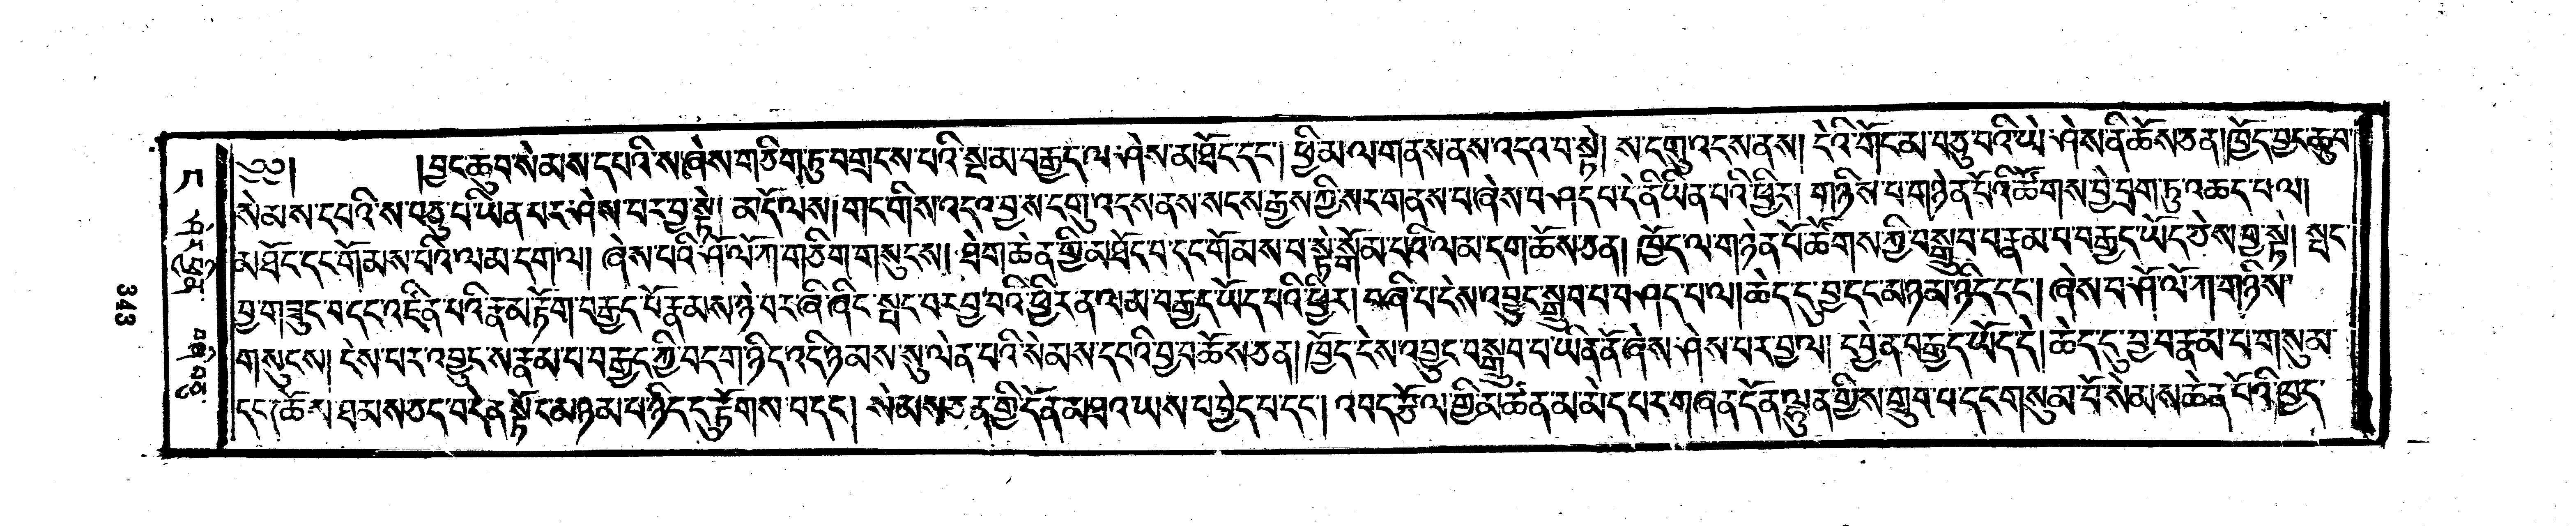༄༅། །བྱང་ཆུབ་སེམས་དཔའི་ས་ཞེས་གཅིག་ཏུ་བགྲངས་པའི་སྔ་མ་བརྒྱད་ལ་ཤེས་མཐོང་དང་། ཕྱི་མ་ལ་གནས་ནས་འདའ་བ་སྟེ། ས་དགུ་འདས་ནས། དེའི་གོང་མ་བཅུ་པའི་ཡེ་ཤེས་ནི་ཆོས་ཅན། ཁྱོད་བྱང་ཆུབ་
སེམས་དཔའི་ས་བཅུ་པ་ཡིན་པར་ཤེས་པར་བྱ་སྟེ། མདོ་ལས། གང་གིས་འདའ་བྱས་དགུ་འདས་ནས་སངས་རྒྱས་ཀྱི་སར་གནས་པ་ཞེས་བཤད་པ་དེ་ནི་ཡིན་པའི་ཕྱིར། གཉིས་པ་གཉེན་པོའི་ཚོགས་བྱེ་བྲག་ཏུ་འཆད་པ་ལ།
མཐོང་དང་གོམས་པའི་ལམ་དག་ལ། ཞེས་པའི་ཤོ་ལོ་ཀ་གཅིག་གསུངས། ཐེག་ཆེན་གྱི་མཐོང་བ་དང་གོམས་པ་སྟེ་སྒོམ་པའི་ལམ་དག་ཆོས་ཅན། ཁྱོད་ལ་གཉེན་པོ་ཚོགས་ཀྱི་བསྒྲུབ་པ་རྣམ་པ་བརྒྱད་ཡོད་ཅེས་བྱ་སྟེ། སྤང་
བྱ་གཟུང་བ་དང་འཛིན་པའི་རྣམ་རྟོག་བརྒྱད་པོ་རྣམས་ཉེ་བར་ཞི་ཞིང་སྤང་བར་བྱ་བའི་ཕྱིར་ན་ལམ་བརྒྱད་ཡོད་པའི་ཕྱིར། བཞི་པ་ངེས་འབྱུང་སྒྲུབ་པ་བཤད་པ་ལ། ཆེད་དུ་བྱ་དང་མཉམ་ཉིད་དང་། ཞེས་པ་ཤོ་ལོ་ཀ་གཉིས་
གསུངས། ངེས་པར་འབྱུང་ས་རྣམ་པ་བརྒྱད་ཀྱི་བདག་ཉིད་འདི་ཉམས་སུ་ལེན་པའི་སེམས་དཔའི་བྱ་བ་ཆོས་ཅན། ཁྱོད་ངེས་འབྱུང་བསྒྲུབ་པ་ཡིན་ནོ་ཞེས་ཤེས་པར་བྱ་ལ། དབྱེ་ན་བརྒྱད་ཡོད་དེ། ཆེད་དུ་བྱ་བ་རྣམ་པ་གསུམ་
དང༑ ཆོས་ཐམས་ཅད་བདེན་སྟོང་མཉམ་པ་ཉིད་དུ་རྟོགས་པ་དང་། སེམས་ཅན་གྱི་དོན་མཐའ་ཡས་པ་བྱེད་པ་དང་། འབད་རྩོལ་གྱི་མཚན་མ་མེད་པར་གཞན་དོན་ལྷུན་གྱིས་གྲུབ་པ་དང་གསུམ་པོ་སེམས་ཆེན་པོའི་ཁྱད་